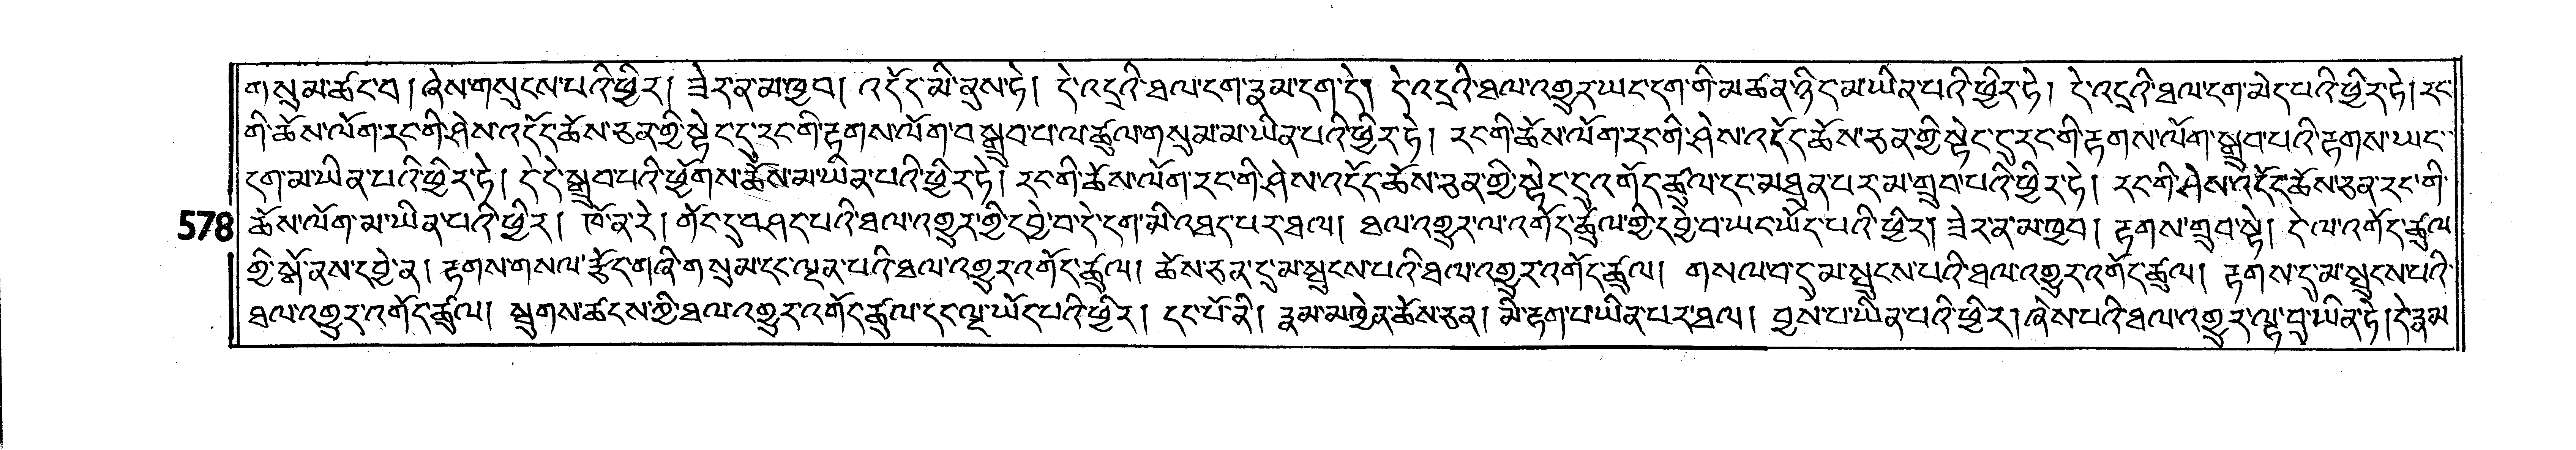གསུམ་ཚང་བ། ཞེས་གསུངས་པའི་ཕྱིར། ཟེར་ན་མ་ཁྱབ། འདོད་མི་ནུས་ཏེ། དེ་འདྲའི་ཐལ་དག་རྣམ་དག་དེ། དེ་འདྲའི་ཐལ་འགྱུར་ཡང་དག་གི་མཚན་ཉིད་མ་ཡིན་པའི་ཕྱིར་ཏེ། དེ་འདྲའི་ཐལ་ངག་མེད་པའི་ཕྱིར་ཏེ། རང་
གི་ཆོས་ལོག་རང་གི་ཤེས་འདོད་ཆོས་ཅན་གྱི་སྟེང་དུ་རང་གི་རྟགས་ལོག་བསྒྲུབ་པ་ལ་ཚུལ་གསུམ་མ་ཡིན་པའི་ཕྱིར་ཏེ། རང་གི་ཆོས་ལོག་རང་གི་ཤེས་འདོད་ཆོས་ཅན་གྱི་སྟེང་དུ་རང་གི་རྟགས་ལོག་སྒྲུབ་པའི་རྟགས་ཡང་
དག་མ་ཡིན་པའི་ཕྱིར་ཏེ། དེ་དེ་སྒྲུབ་པའི་ཕྱོགས་ཆོས་མ་ཡིན་པའི་ཕྱིར་ཏེ། རང་གི་ཆོས་ལོག་རང་གི་ཤེས་འདོད་ཆོས་ཅན་གྱི་སྟེང་དུ་འགོད་ཚུལ་དང་མཐུན་པར་མ་གྲུབ་པའི་ཕྱིར་ཏེ། རང་གི་ཤེས་འདོད་ཆོས་ཅན་རང་གི་
ཆོས་ལོག་མ་ཡིན་པའི་ཕྱིར། ཁོ་ན་རེ། གོང་དུ་བཤད་པའི་ཐལ་འགྱུར་གྱི་དབྱེ་བ་དེ་དག་མི་འཐད་པར་ཐལ། ཐལ་འགྱུར་ལ་འགོད་ཚུལ་གྱི་དབྱེ་བ་ཡང་ཡོད་པའི་ཕྱིར། ཟེར་ན་མ་ཁྱབ། རྟགས་གྲུབ་སྟེ། དེ་ལ་འགོད་ཚུལ་
གྱི་སྒོ་ནས་དབྱེ་ན། རྟགས་གསལ་རྩོད་གཞི་གསུམ་དང་ལྡན་པའི་ཐལ་འགྱུར་འགོད་ཚུལ། ཆོས་ཅན་དུ་མ་སྤུངས་པའི་ཐལ་འགྱུར་འགོད་ཚུལ། གསལ་བ་དུ་མ་སྤུངས་པའི་ཐལ་འགྱུར་འགོད་ཚུལ། རྟགས་དུ་མ་སྤུངས་པའི་
ཐལ་འགྱུར་འགོད་ཚུལ། སྦུགས་ཚངས་ཀྱི་ཐལ་འགྱུར་འགོད་ཚུལ་དང་ལྔ་ཡོད་པའི་ཕྱིར། དང་པོ་ནི། རྣམ་མཁྱེན་ཆོས་ཅན། མི་རྟག་པ་ཡིན་པར་ཐལ། བྱས་པ་ཡིན་པའི་ཕྱིར། ཞེས་པའི་ཐལ་འགྱུར་ལྟ་བུ་ཡིན་ཏེ། དེ་རྣམ་